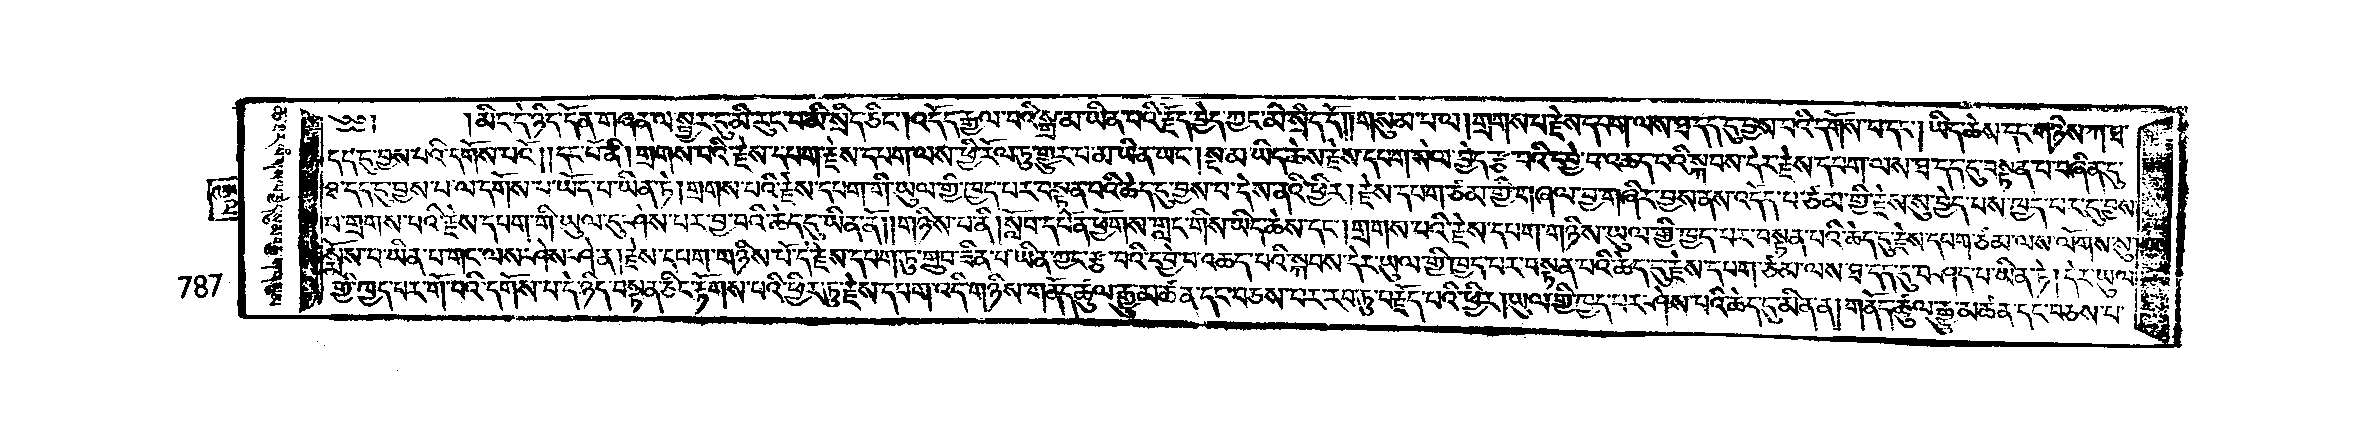༄༅། །མིང་དེ་ཉིད་དོན་གཞན་ལ་སྦྱར་དུ་མི་རུང་བ་མི་སྲིད་ཅིང་། འདོད་རྒྱལ་བའི་སྒྲ་མ་ཡིན་པའི་རྗོད་བྱེད་ཀྱང་མི་སྲིད་དོ། །གསུམ་པ་ལ། གྲགས་པ་རྗེས་དཔག་ལས་ཐ་དད་དུ་བྱས་པའི་དགོས་པ་དང་། ཡིད་ཆེས་དང་གཉིས་ཀ་ཐ་
དད་དུ་བྱས་པའི་དགོས་པའོ། །དང་པོ་ནི། གྲགས་པའི་རྗེས་དཔག་རྗེས་དཔག་ལས་ཕྱི་རོལ་ཏུ་གྱུར་པ་མ་ཡིན་ཡང་། སྔ་མ་ཡིད་ཆེས་རྗེས་དཔག་སེལ་བྱེད་རྩ་བའི་དབྱེ་བ་འཆད་པའི་སྐབས་དེར་རྗེས་དཔག་ལས་ཐ་དད་དུ་བསྟན་པ་བཞིན་དུ་
ཐ་དད་དུ་བྱས་པ་ལ་དགོས་པ་ཡོད་པ་ཡིན་ཏེ། གྲགས་པའི་རྗེས་དཔག་གི་ཡུལ་གྱི་ཁྱད་པར་བསྟན་པའི་ཆེད་དུ་བྱས་པ་དེས་ནའི་ཕྱིར། རྗེས་དཔག་ཙམ་གྱི་གཞལ་བྱ་གཞིར་བྱས་ནས་འདོད་པ་ཙམ་གྱི་རྗེས་སུ་བྱེད་པས་ཁྱད་པར་དུ་བྱས་
པ་གྲགས་པའི་རྗེས་དཔག་གི་ཡུལ་དུ་ཤེས་པར་བྱ་བའི་ཆེད་དུ་ཡིན་ནོ། །གཉིས་པ་ནི། སློབ་དཔོན་ཕྱོགས་གླང་གིས་ཡིད་ཆེས་དང་། གྲགས་པའི་རྗེས་དཔག་གཉིས་ཡུལ་གྱི་ཁྱད་པར་བསྟན་པའི་ཆེད་དུ་རྗེས་དཔག་ཙམ་ལས་ལོགས་སུ་
སྨོས་པ་ཡིན་པ་གང་ལས་ཤེས་ཤེ་ན། རྗེས་དཔག་གཉིས་པོ་དེ་རྗེས་དཔག་ཏུ་གྲུབ་ཟིན་པ་ཡིན་ཀྱང་རྩ་བའི་དབྱེ་བ་འཆད་པའི་སྐབས་དེར་ཡུལ་གྱི་ཁྱད་པར་བསྟན་པའི་ཆེད་དུ་རྗེས་དཔག་ཙམ་ལས་ཐ་དད་དུ་བཤད་པ་ཡིན་ཏེ། དེར་ཡུལ་
གྱི་ཁྱད་པར་གོ་བའི་དགོས་པ་དེ་ཉིད་བསྟན་ཅིང་རྟོགས་པའི་ཕྱིར་ཏུ་རྗེས་དཔག་འདི་གཉིས་གནོད་ཚུལ་རྒྱུ་མཚན་དང་བཅས་པར་རབ་ཏུ་བརྗོད་པའི་ཕྱིར། ཡུལ་གྱི་ཁྱད་པར་ཤེས་པའི་ཆེད་དུ་མེད་ན། གནོད་ཚུལ་རྒྱུ་མཚན་དང་བཅས་པ་